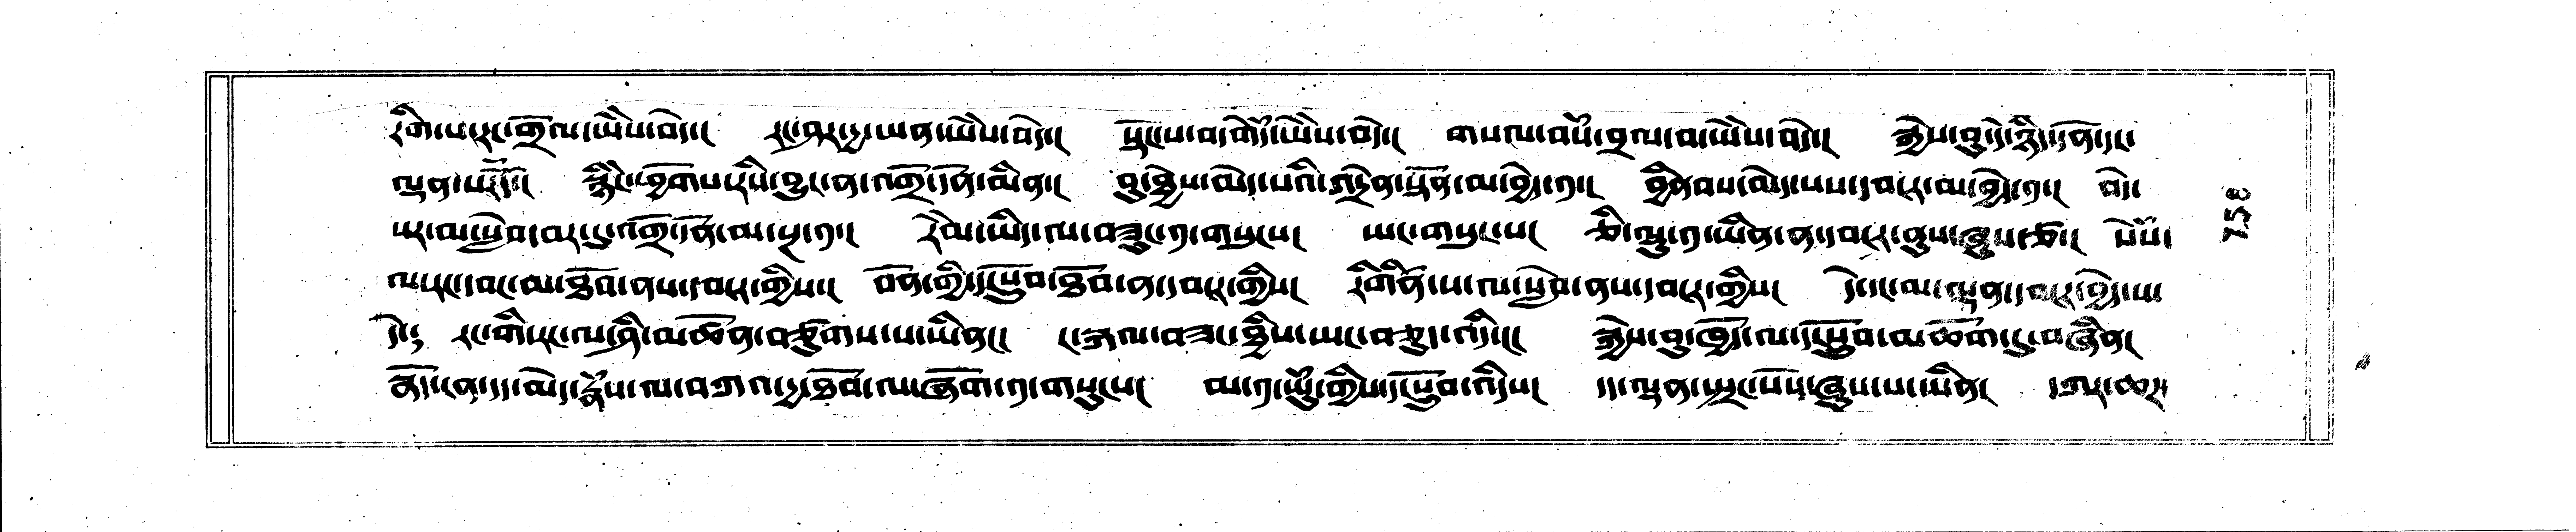རིག་པ་རང་གྲོལ་ཡེ་ཤེས་བདེ། །རང་ཤར་རྒྱ་ཡན་ཡེ་ཤེས་བདེ། །སྟོང་པ་བདག་མེད་ཡེ་ཤེས་བདེ། །གསལ་བསམ་བྲལ་བ་ཡེ་ཤེས་བདེ། །སྐྱེས་བུ་དེ་ཉིད་དོན་དང་
ལྡན་པར་མཛོད། །སྙིང་རྗེ་ཕྱོགས་རིས་བྱུང་ན་འགྲོ་དོན་མིན། །‘འདོད་བློ་མདུད་པ་སྡོམ་ན་འགྲོ་དོན་མིན། སྣང་བ་ལ་ཞེན་ཆགས་སྐྱེས་ན་འགྲོ་དོན་མིན། གཞན་སྨད་རང་རྒྱལ་བྱུང་ན་འགྲོ་དོན་མིན།’ བུ་ཐུགས་རྗེ་མེད་པས་འདྲེན་སྟོན་མ་བྱེད་ཅིག །བྱིན་རླབས་མེད་པས་དབང་སྐུར་མ་བྱེད་ཅིག །བདེ་
སར་མ་བསླེབས་བར་དུ་འགྲོ་དོན་མ་སྔ་ཅིག རེམ་རེམ་ཡིད་ལ་ཟུངས་ཤིག་གསུངས། ཡང་གསུངས་པ། ཇི་ལྟ་བུ་ཞིག་ཡིན་ན་དབང་སྐུར་ནུས་ཞུས་ཙ། སེམས་
ལ་རང་དབང་མཐོབ་ན་དབང་སྐུར་གྱིས། བོན་གྱི་དངོས་གྲུབ་ཐོབ་ན་དབང་སྐུར་གྱིས། རིག་འཛིན་ས་ལ་བསླེབས་ན་དབང་སྐུར་གྱིས། དེ་དང་མ་ལྡན་དབང་སྐུར་བྱེད་པ་
དེ། རང་གིས་རང་ལ་ཤི་མཚོན་བཙུགས་པ་ཡིན། ང་སྐལ་བཟང་ཐུགས་ཀྱི་ཡང་བཅུད་འདི། སྐྱེས་བུ་ཁྱོད་ལ་དངོས་གྲུབ་མཆོག་ཏུ་བཞིན། 
སྣོད་ངན་དད་མེད་རྣམས་ལ་བཀའ་རྒྱ་ཐོབས་ལ་ཞོག་ཅིག་གསུངས། མ་གཅིག་ཡུམ་གྱི་དངོས་གྲུབ་འདི། །དད་ལྡན་སྤྲང་པོས་ཞུས་པ་ཡིན། །དཀར་ཆག་